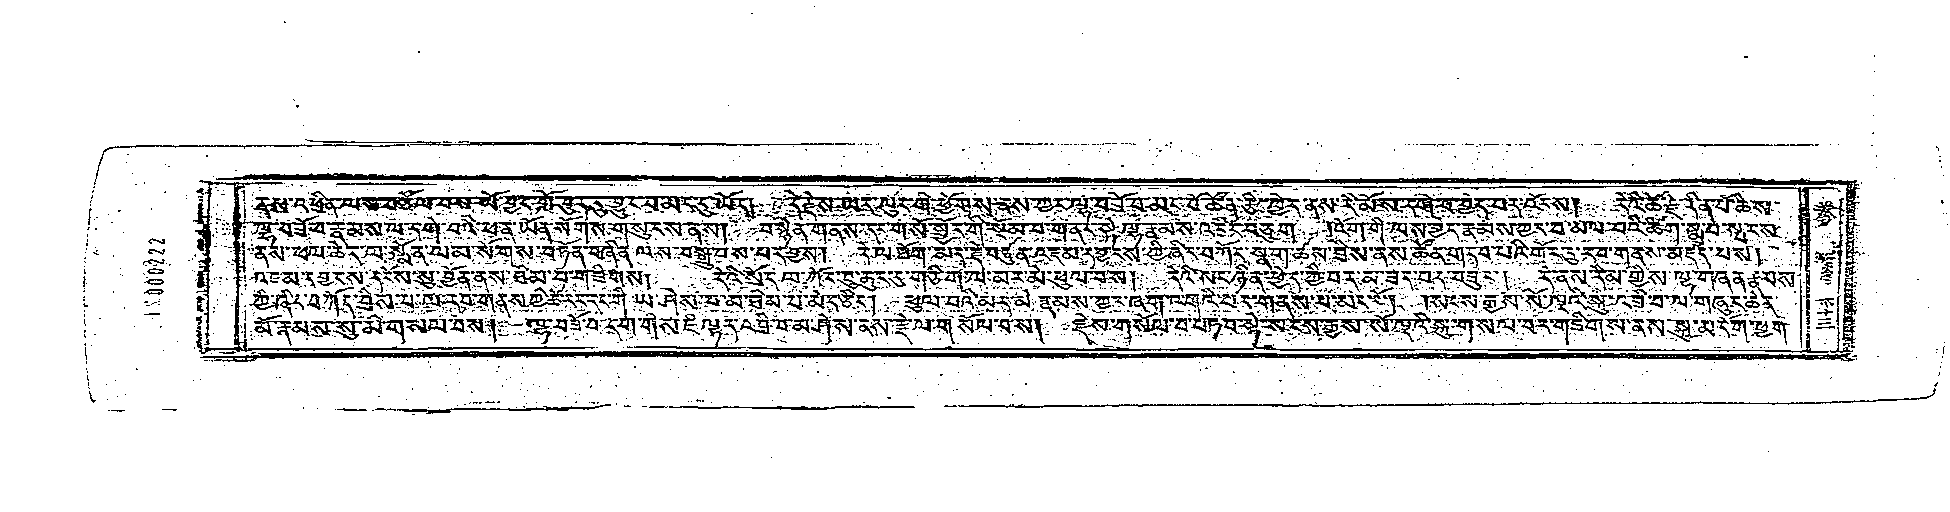ནས་འཕྲིན་ལས་བཅོལ་བས་ཡོ་བྱད་གློ་བུར་དུ་བྱུང་བ་མང་དུ་ཡོད། དེ་རྗེས་ཡང་ལུང་གི་ཕྱོགས་ནས་ཀྱང་ལྷ་བཟོ་བ་མང་བོ་ཚོན་རྩི་ཁྱེད་ནས་རི་མོས་དགེ་བ་བྱེད་བར་འོངས། དེའི་ཚེ་རྗེ་རིན་པོ་ཆེས་
ལྷ་བཟོ་བ་རྣམས་ལ་དགེ་བའི་ཕན་ཡོན་སོགས་གསུངས་ནས། བསྙེན་གནས་དང་གསོ་སྦྱོང་གི་སྡོམ་པ་གནང་སྟེ་ལྷ་རྣམས་འདྲིང་བཅུག །འོག་གི་ལས་བྱེད་རྣམས་ཀྱང་བ་མལ་པའི་ཚིག་སྨྲ་བ་སྤངས་
ནས་ཕལ་ཆེར་ལ་སྨོན་ལམ་སོགས་བཏོན་བཞིན་ལས་བསྒྲུབས་པར་བྱས། དེ་ལ་ཐོག་མར་རྗེ་བཙུན་འཇམ་དབྱངས་ཀྱི་ཞིང་བཀོད་སྣག་ཚས་བྲིས་ནས་ཚོན་གདབ་པའི་གོར་དུ་རབ་གནས་མཛད་པས།
འཇམ་དབྱངས་དངོས་སུ་བྱོན་ནས་ཐིམ་པ་གཟིགས། དེའི་སྲོད་ལ་ཀོང་བུ་ཆུང་དུ་གཅིག་ལ་མར་མེ་ཕུལ་བས། དེའི་སང་ཉིན་ཕྱེད་ཀྱི་བར་མ་ཟད་བར་བཟུང་། དེ་ནས་རིམ་གྱིས་ལྷ་གཞན་རྣམས་
ཀྱི་ཞིང་བཀོད་བྲིས་པ་ལ་རབ་གནས་ཀྱི་ཚེ་རང་རང་གི་ཡེ་ཤེས་པ་མ་ཐིམ་པ་མེད་ཅིང་། ཕུལ་པའི་མར་མེ་རྣམས་ཀྱང་ཞག་ལ་གའི་པར་གནས་པ་མང་ངོ། །སངས་རྒྱས་སོ་ལྔའི་སྐུ་འབྲི་བ་ལ་གཞུང་ཆེན་
མོ་རྣམས་སུ་མི་གསལ་བས། ལྷ་བཟོ་བ་དག་གིས་ཇི་ལྟར་འབྲི་བ་མ་ཤེས་ནས་རྗེ་ལ་གསོལ་བས། རྗེས་གསོལ་བ་བཏབ་སྟེ་སངས་རྒྱས་སོ་ལྔའི་སྐུ་གསལ་བར་གཟིགས་ནས་སྐུ་མདོག་ཕྱག་